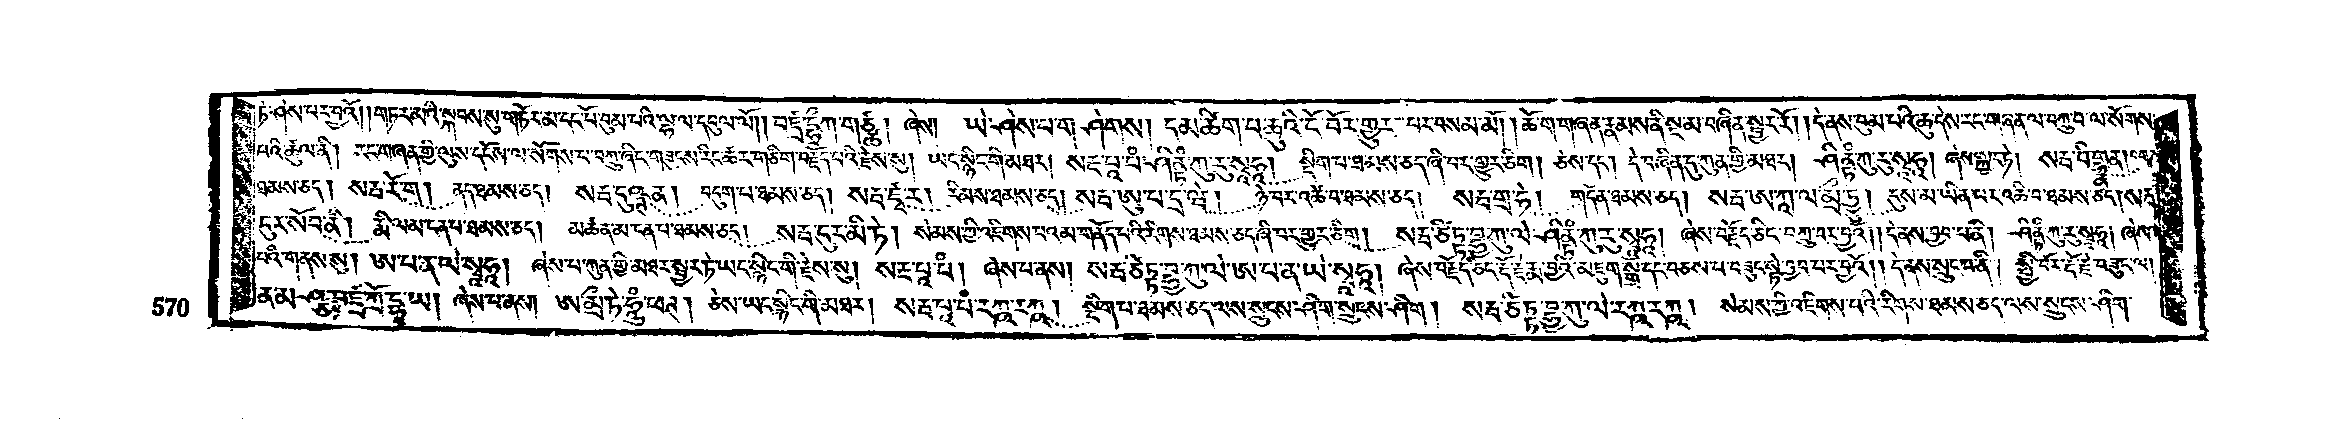ཏེ་ཤེས་པར་བྱའོ། །གཏོར་མའི་སྐབས་སུ་གཏོར་མ་དང་པོ་བུམ་པའི་ལྷ་ལ་དབུལ་ལོ། །བཛྲ་དྷྲྀཀ་གཙྪ། ཞེས། ཡེ་ཤེས་པ་གཤེགས། དམ་ཚིག་པ་ཆུའི་ངོ་བོར་གྱུར་པར་བསམ་མོ། །ཆོ་ག་གཞན་རྣམས་ནི་སྔ་མ་བཞིན་སྦྱར་རོ། །དེ་ནས་བུམ་པའི་ཆུ་དེས་རང་གཞན་ལ་བཀྲུ་བ་ལ་སོགས་
པའི་ཚུལ་ནི། རང་གཞན་གྱི་ལུས་དངོས་ལ་སོགས་པ་བཀྲུ་ཞིང་གཟུངས་རིང་ཚར་གཅིག་བརྗོད་པའི་རྗེས་སུ། ཡང་སྙིང་གི་མཐར། སརྦ་པཱ་པཾ་ཤིནྟཾ་ཀུ་རུ་སྭཱ་ཧཱ། སྡིག་པ་ཐམས་ཅད་ཞི་བར་གྱུར་ཅིག། ཅེས་དང་། དེ་བཞིན་དུ་ཀུན་གྱི་མཐར།  ཤིནྟཾ་ཀུ་རུ་སྭཱ་ཧཱ། ཞེས་སྦྱར་ཏེ། སརྦ་བིགྷྣན། བདགས་?
ཐམས་ཅད། སརྦ་རོ་ག། ནད་ཐམས་ཅད།  སརྦ་དུཤྚ་ན། བདུག་པ་ཐམས་ཅད།  སརྦ་ཛྭ་ར། རིམས་ཐམས་ཅད།  སརྦ་ཨུ་པ་དྲ་ཝེ། ཉེ་བར་འཚེ་བ་ཐམས་ཅད། སརྦ་གྲ་ཧེ། གདོན་ཐམས་ཅད།  སརྦ་ཨ་ཀཱ་ལ་མྲྀ་ཏྱུ། དུས་མ་ཡིན་པར་འཆི་བ་ཐམས་ཅད།  སརྦ་
དུར་སོ་བ་ནི། རྨི་ལམ་ངན་པ་ཐམས་ཅད། མཚན་མ་ངན་པ་ཐམས་ཅད།  སརྦ་དུར་མི་ཏེ། སེམས་ཀྱི་འཇིགས་པའམ་གནོད་པའི་རིགས་ཐམས་ཅད་ཞི་བར་གྱུར་ཅིག།  སརྦ་ཙིཏྟ་བྱ་ཀུ་ལེ་ཤིནྟཾ་ཀུ་རུ་སྭཱ་ཧཱ། ཞེས་བརྗོད་ཅིང་བཀྲུ་བར་བྱའོ། །དེ་ནས་བྱབ་པ་ནི། ཤིནྟཾ་ཀུ་རུ་སྭཱ་ཧཱ། ཞེས་
པའི་གནས་སུ། ཨ་པ་ན་ཡེ་སྭཱཧཱ། ཞེས་པ་ཀུན་གྱི་མཐར་སྦྱར་ཏེ་ཡང་སྙིང་གི་རྗེས་སུ།  སརྦ་པཱ་པཾ། ཞེས་པ་ནས།  སརྦ་ཙིཏྟ་བྱ་ཀུ་ལེ་ཨ་པ་ན་ཡེ་སྭཱ་ཧཱ། ཞེས་བརྗོད་ཅིང་རྡོ་རྗེ་རྨ་བྱའི་མཇུག་སྒྲོ་དང་བཅས་པ་པ་བཟུང་སྟེ་བྱབ་པར་བྱའོ། །དེ་ནས་སྲུང་བ་ནི། སྤྱི་བོར་རྡོ་རྗེ་བཟུང་ལ།
ན་མ་ཤྩྞ་བཛྲ་ཀྲོ་དྷཱ་ཡ། ཞེས་པ་ནས་ཨ་མྲྀ་ཏེ་ཧཱུཾ་ཕཊ། ཅེས་ཡང་སྙིང་གི་མཐར།  སརྦ་པཱ་པཱ་རཀྵ་རཀྵ། སྡིག་པ་ཐམས་ཅད་ལས་སྲུངས་ཤིག་སྲུངས་ཤིག། སརྦ་ཙིཏྟ་བྷྱ་ཀུ་ལེ་རཀྵ་རཀྵ། སེམས་ཀྱི་འཇིགས་པའི་རིགས་ཐམས་ཅད་ལས་སྲུངས་ཤིག་